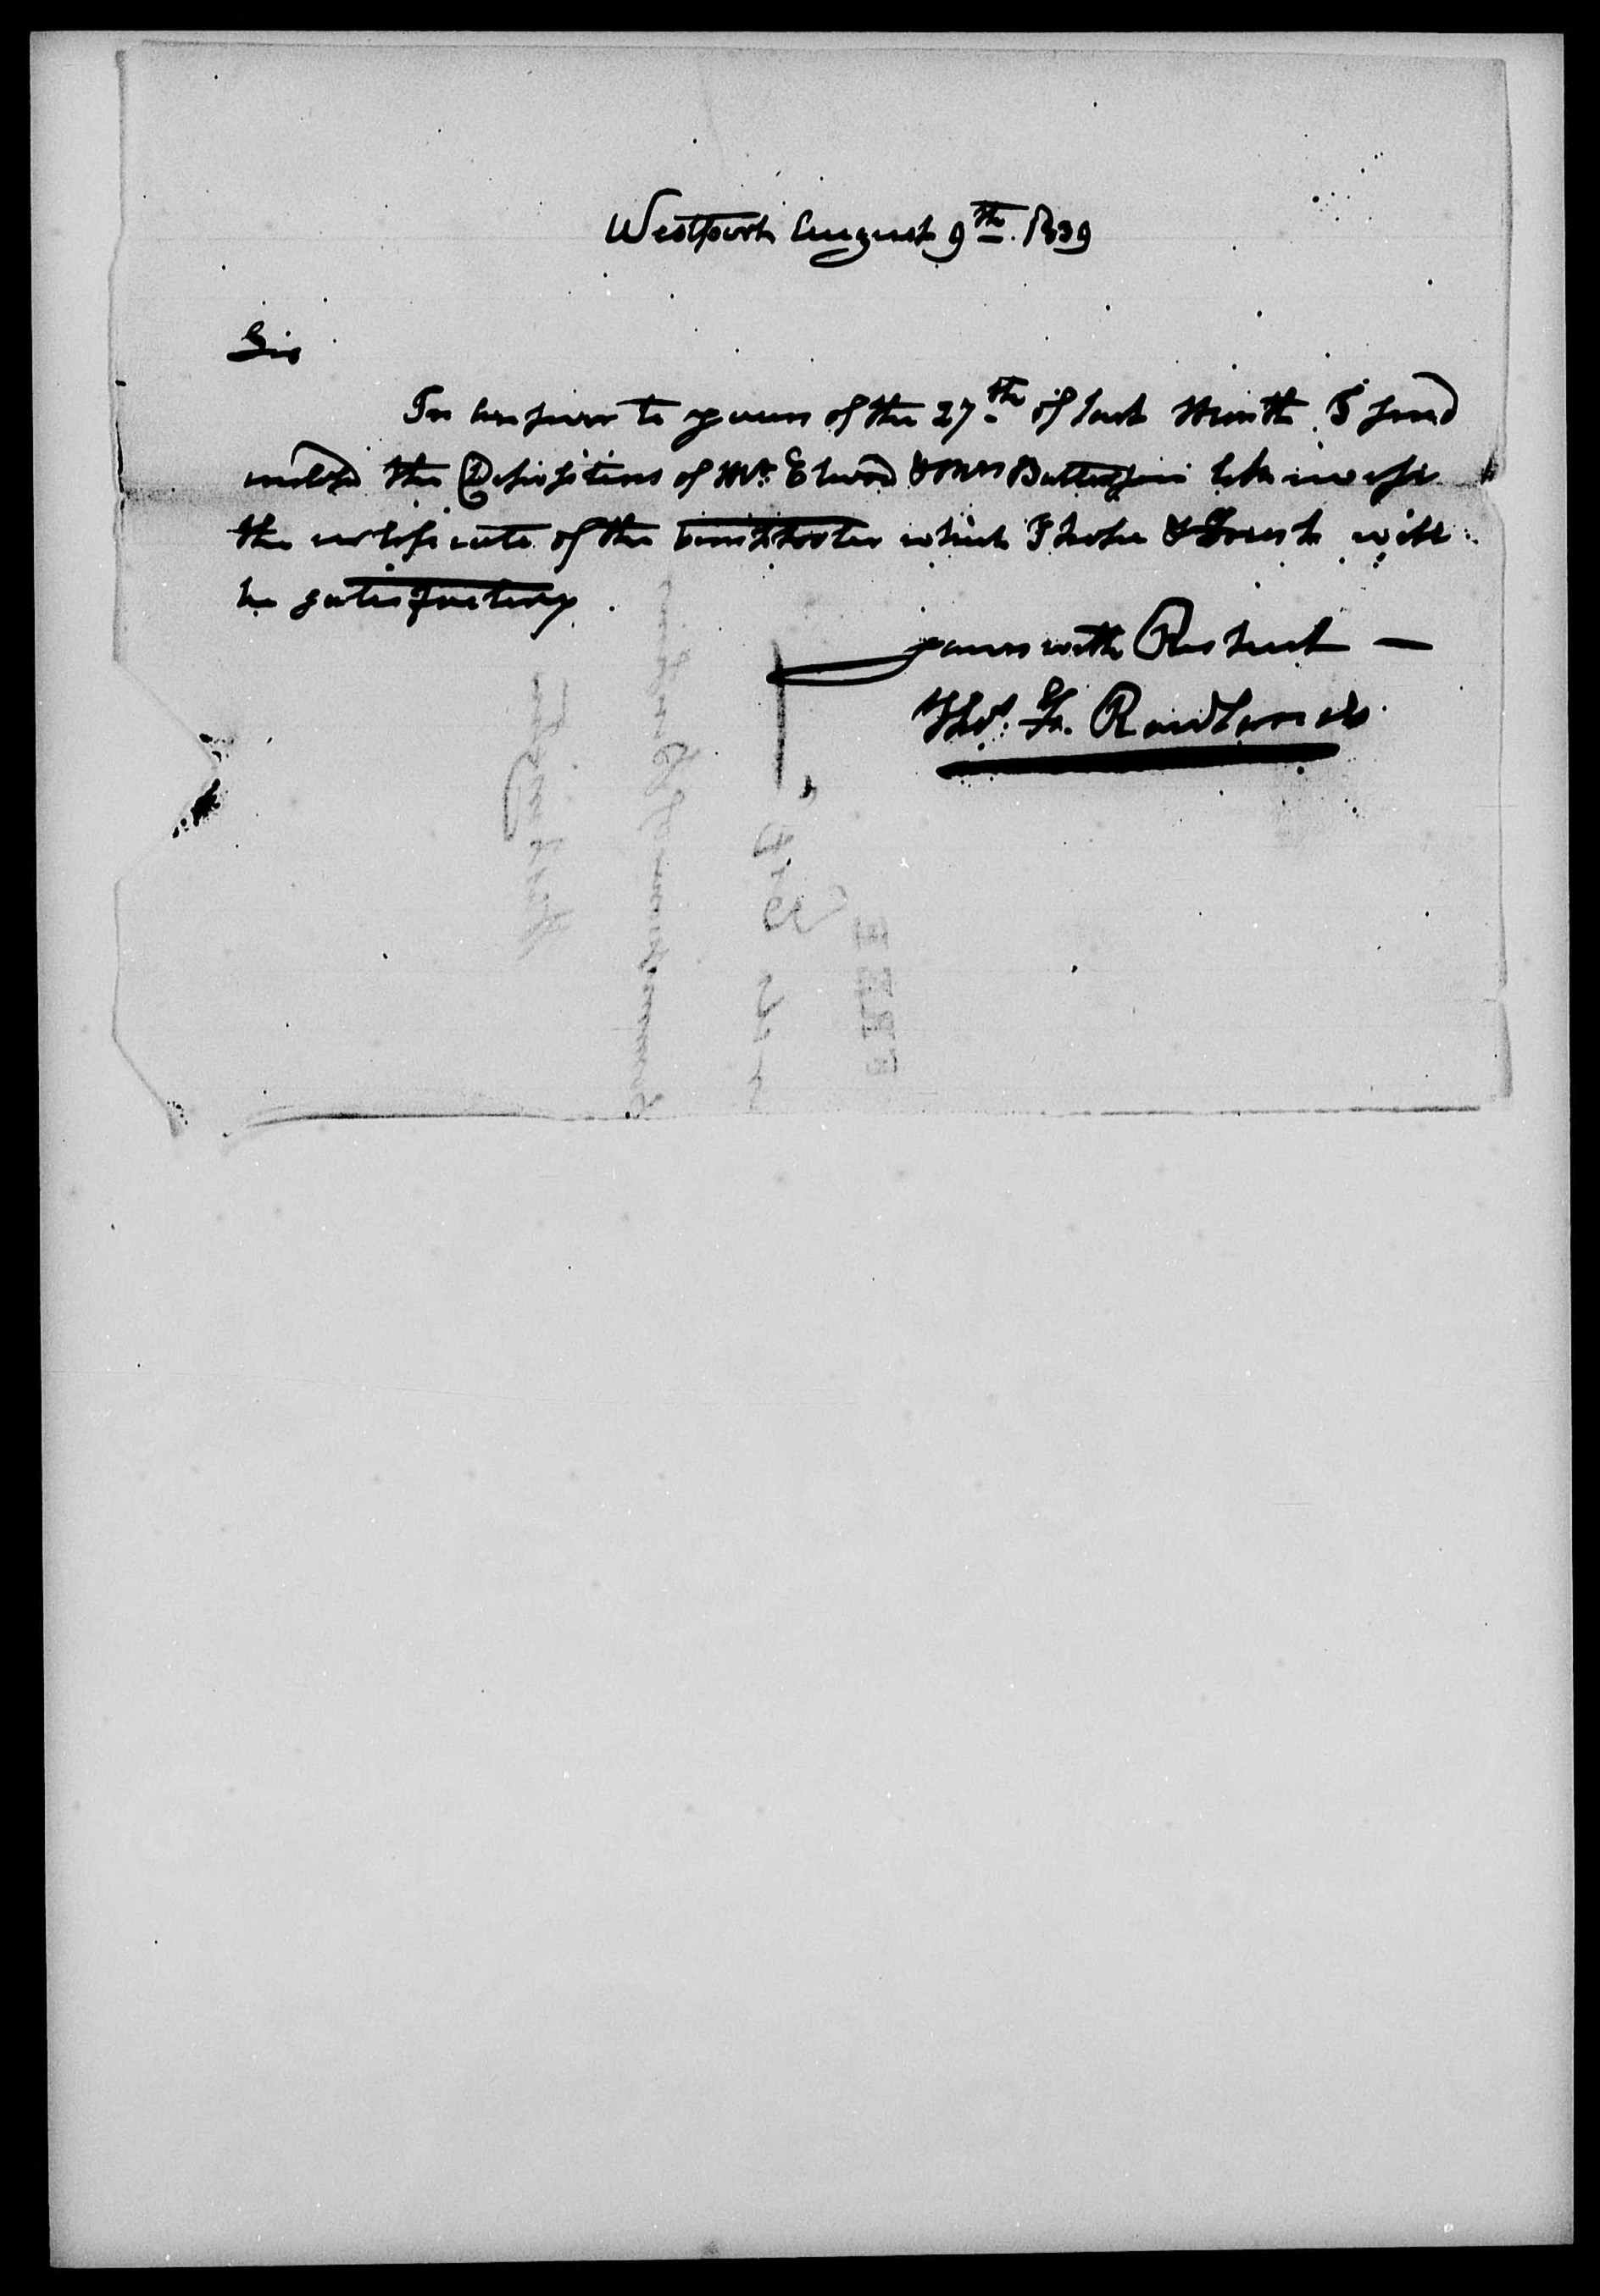Westport August 9th 1839

Sir
In response to yours of the 27th of last month I find enclosed the depositions of Mr. Elwood, Oren Batterson [illegible] the enlistments of the [illegible] which I hope [illegible] will be satisfactory.
Yours with Respect
Tho F. Rowland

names: Oren Batterson, Thos F Rowland, Elwood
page: 12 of 69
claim: widow's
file: W. 25562, Abijah Elwood, Conn.